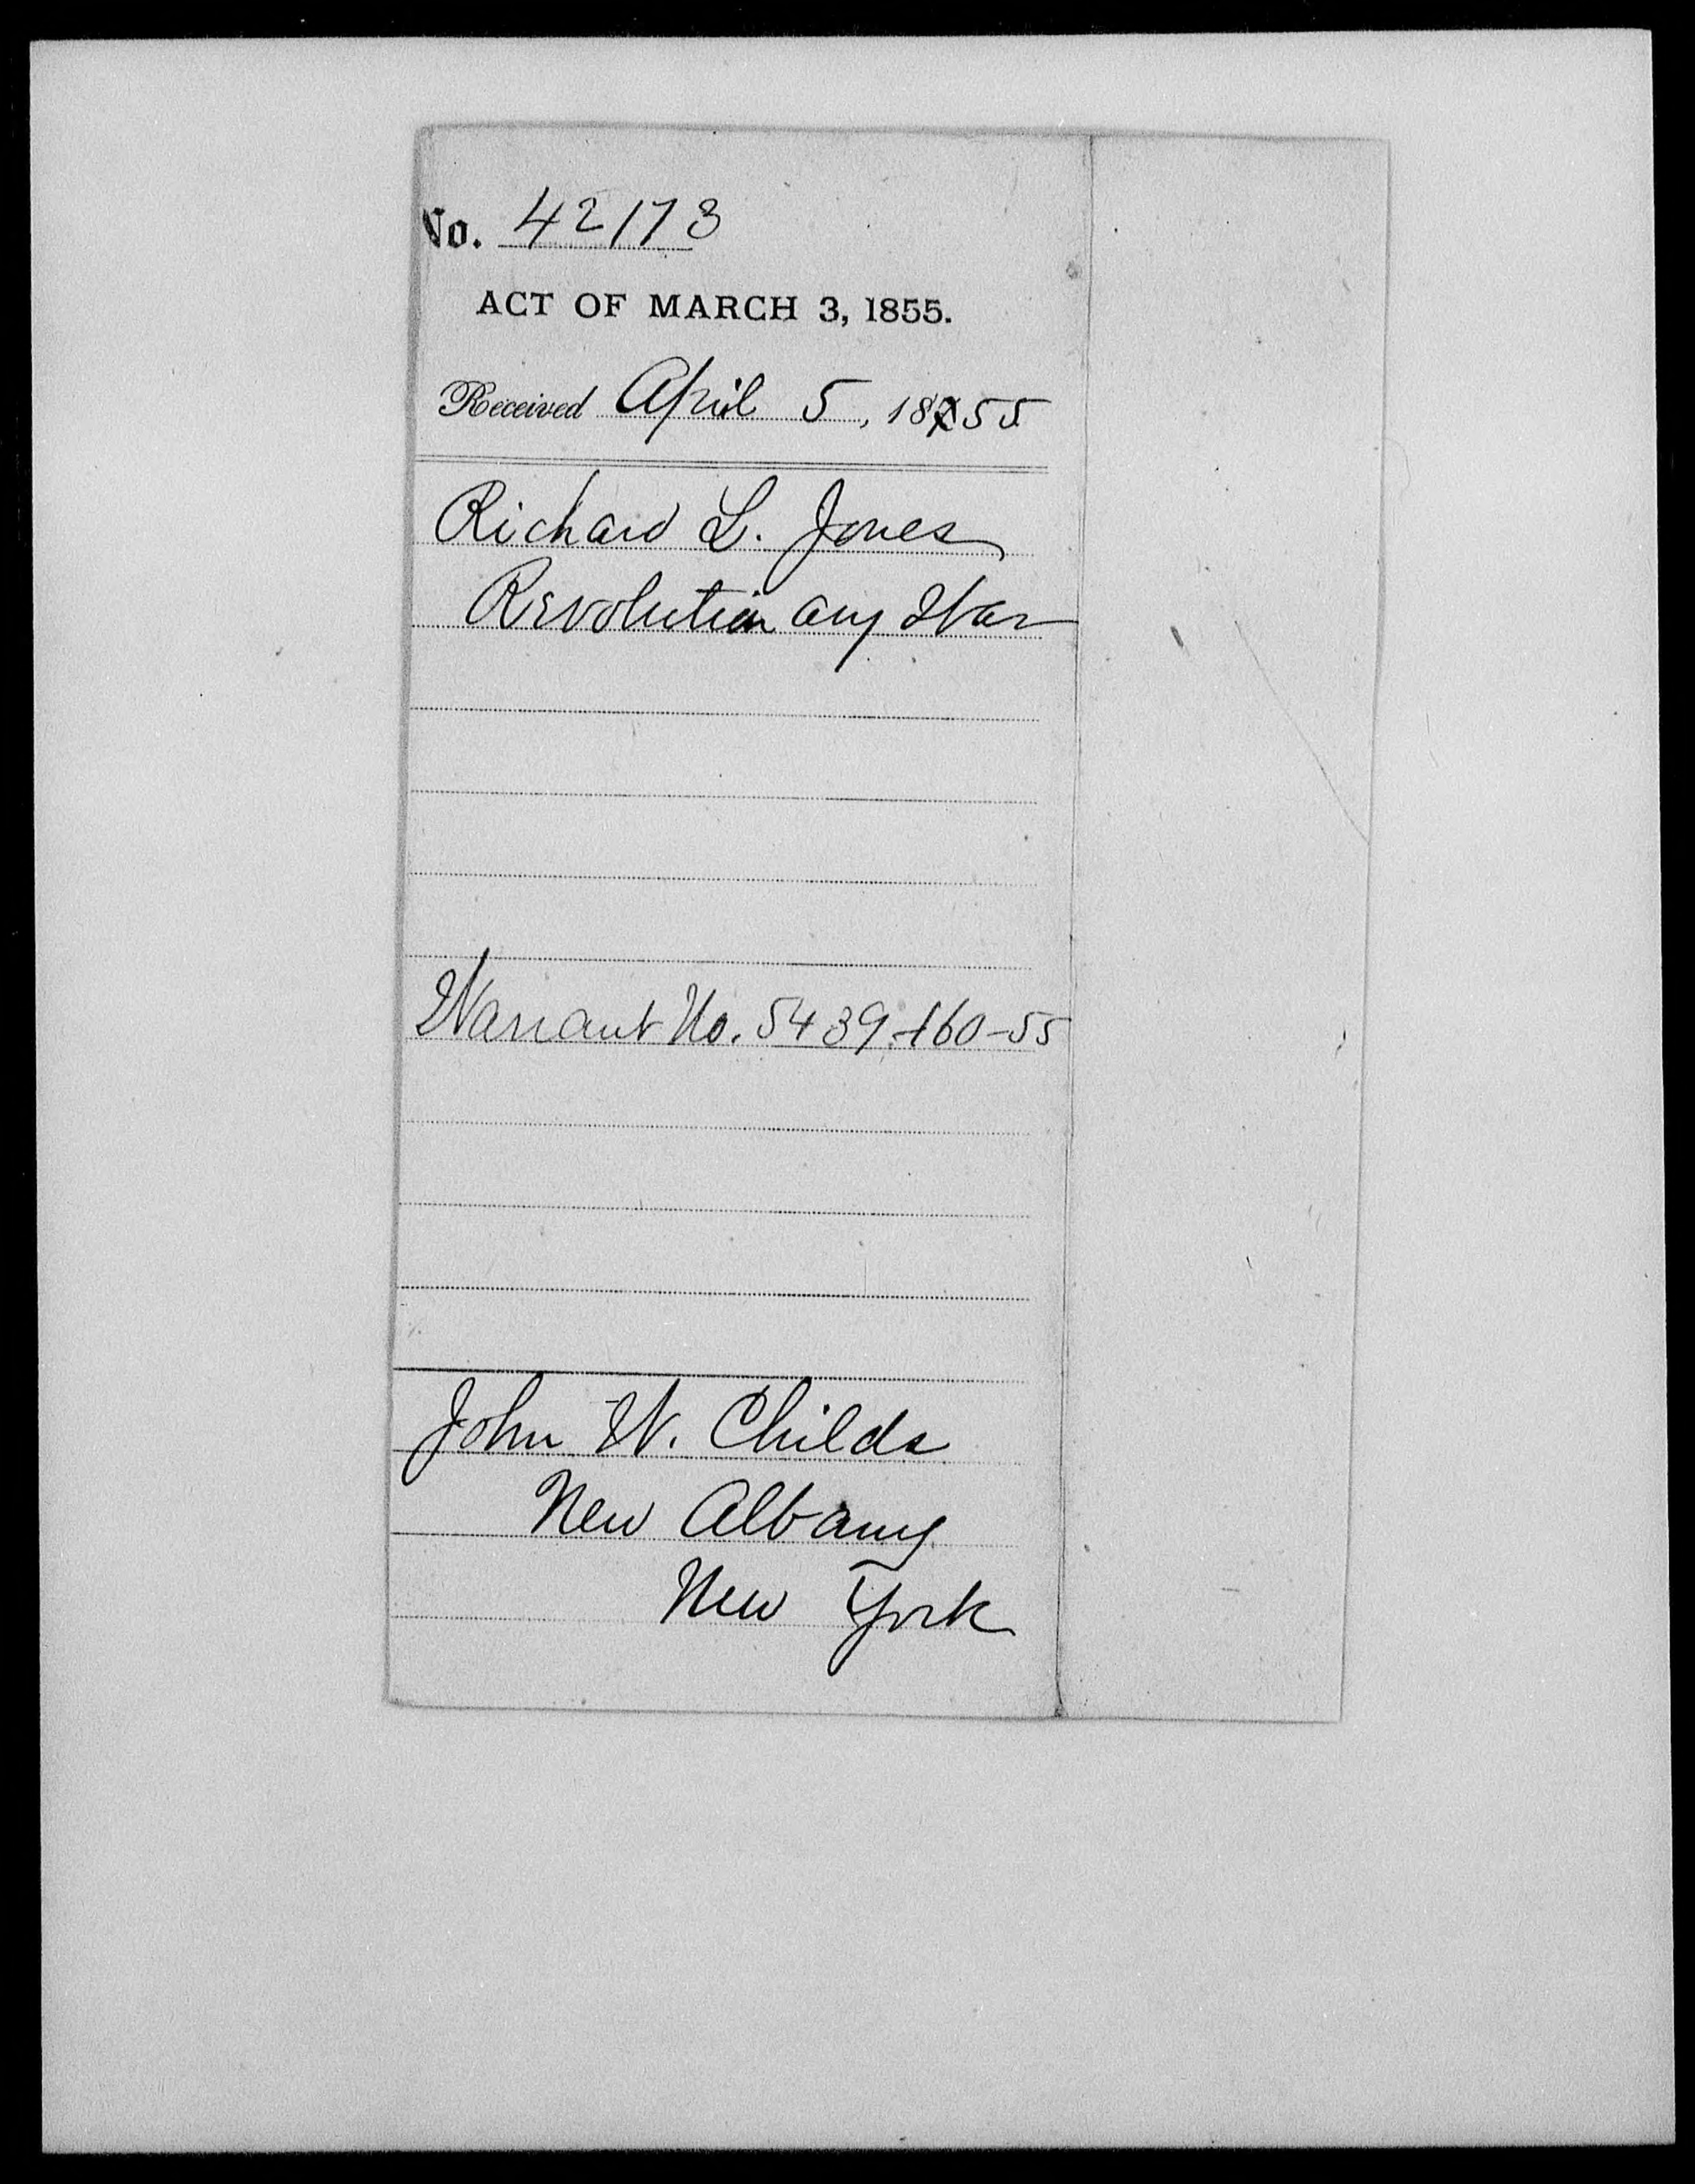No. 42173
ACT OF MARCH 3, 1855.
Received April 5, 1855
Richard L. Jones
Revolutionary War
Warrant No. 5439-160-55  
John W. Childs
New Albany
New York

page: 26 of 62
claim: widow's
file: W. 765, for Richard L Jones, Connecticut